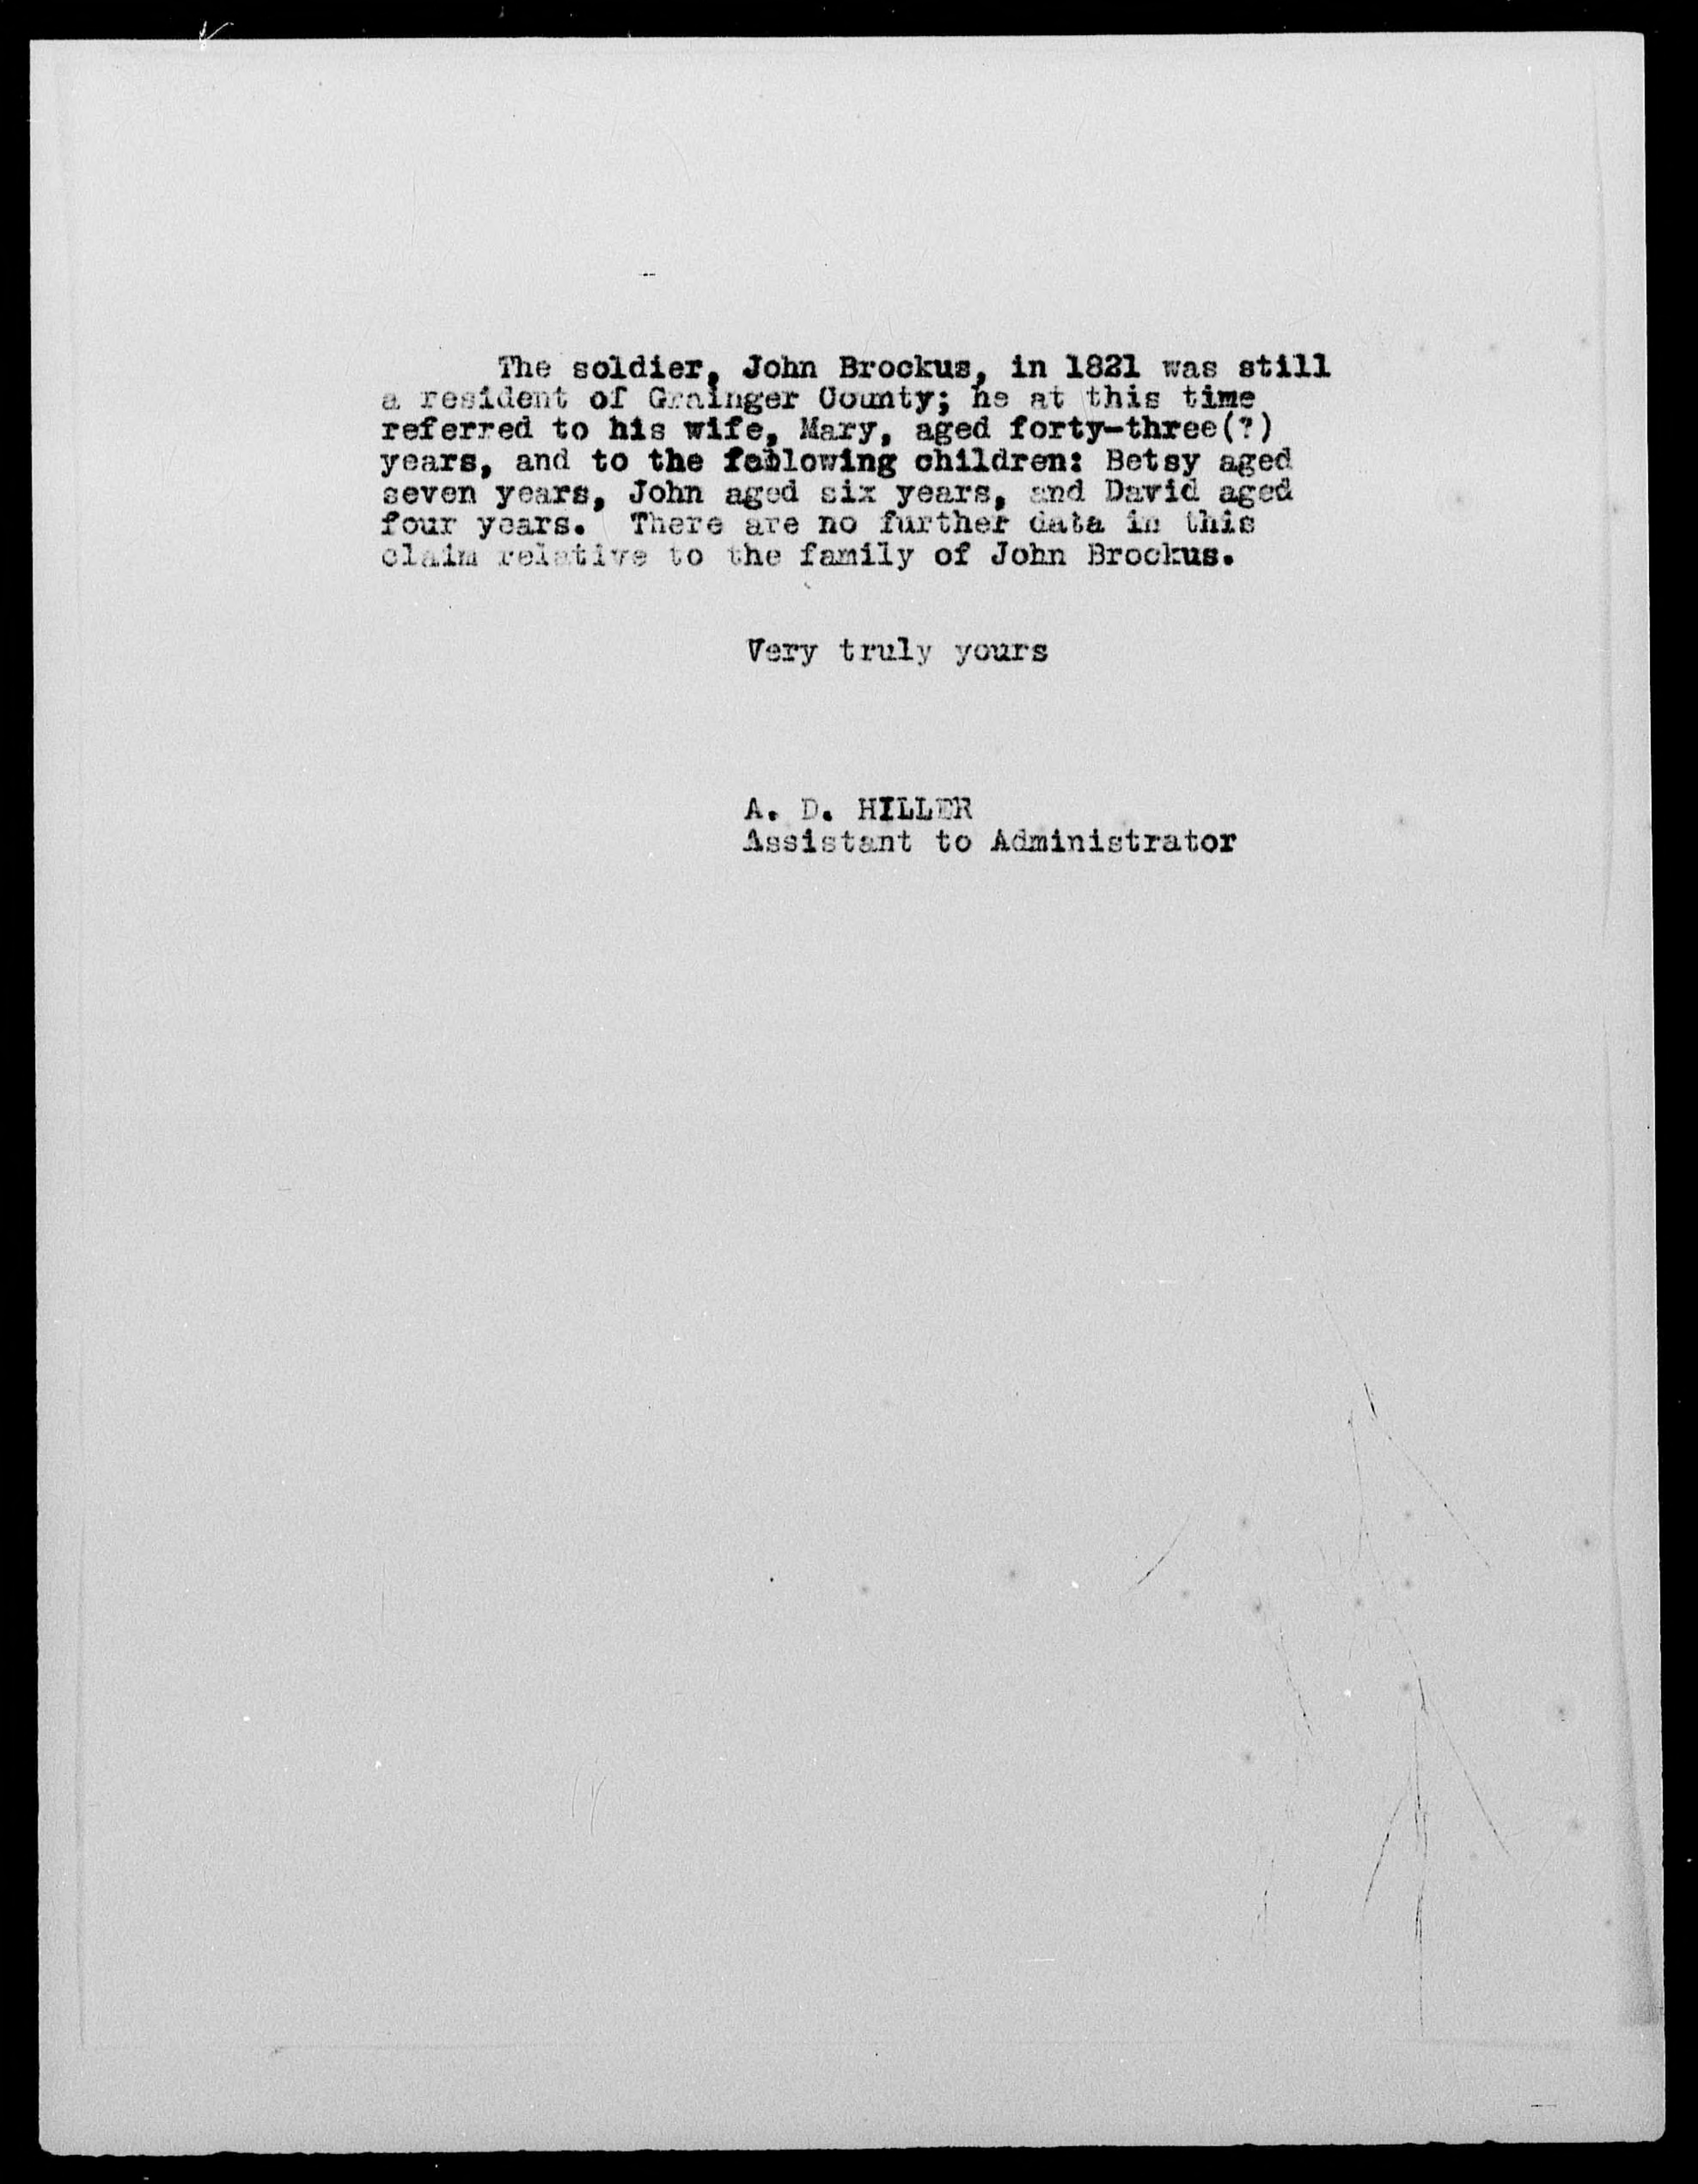The soldier, John Brockus, in 1821 was still a resident of Grainger County; he at this time referred to his wife, Mary, aged forty-three(?) years, and to the following children ; Betsy aged seven years, John aged six years, and David aged four years. There are no further data in this claim relative to the family of John Brockus.
Very truly yours
A.D. HILLER 
Assistant to Administrator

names: John Brockus, Betsy, Mary, John, John Brockus, A D Hiller, David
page: 19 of 19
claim: survivor's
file: S. 39,224, John Brockus, Va.